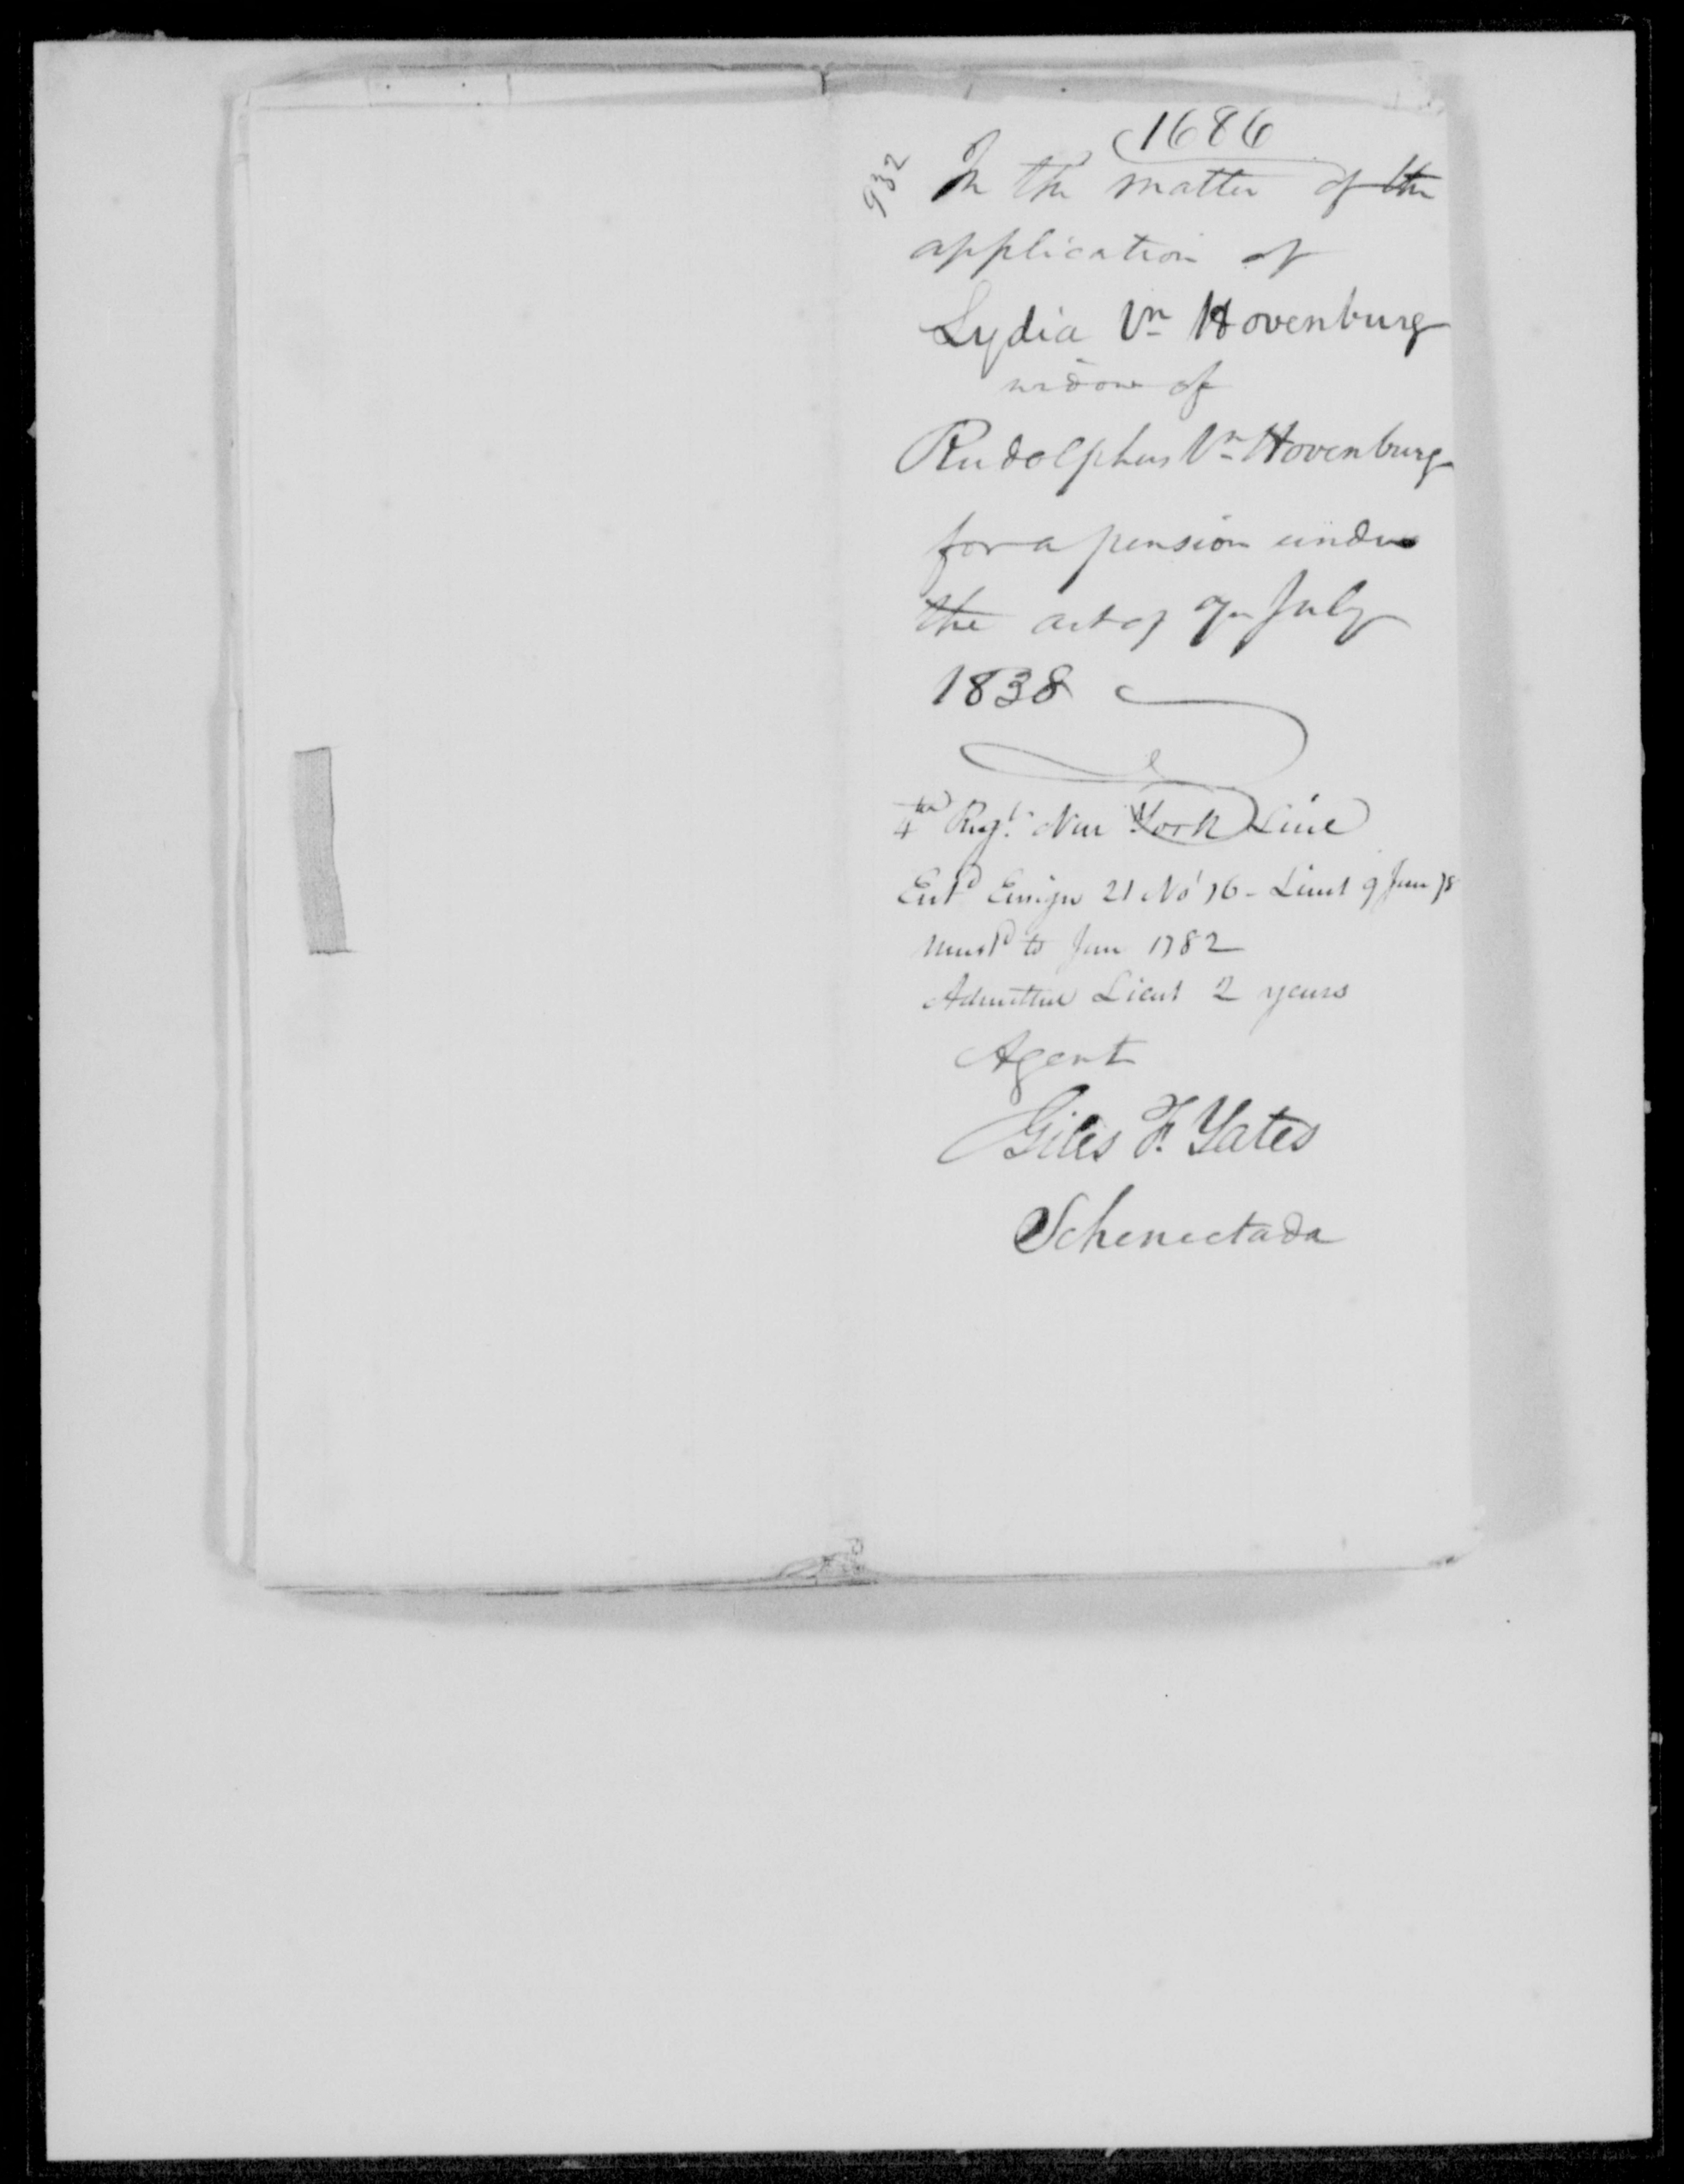1686
932
In the matter of the
application of
Lydia V Hovenburg
widow of
Rudolphus V Hovenburg 
for a pension under the
act of 7 July
1838
4th Regt New York Line
Ent Ensign 21 No' 16 - Lieut 9 Jun 78
Mustd to Jan 1782
Admitted Lieut 2 years
Agent
Giles F. Yates
Schenectada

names: Rudolphus Vn Hovenburg, Lydia Vn Hovenburg, Giles F Yates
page: 3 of 38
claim: widow's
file: W. 23324, Rudolphus Van Hoevenbergh, New York